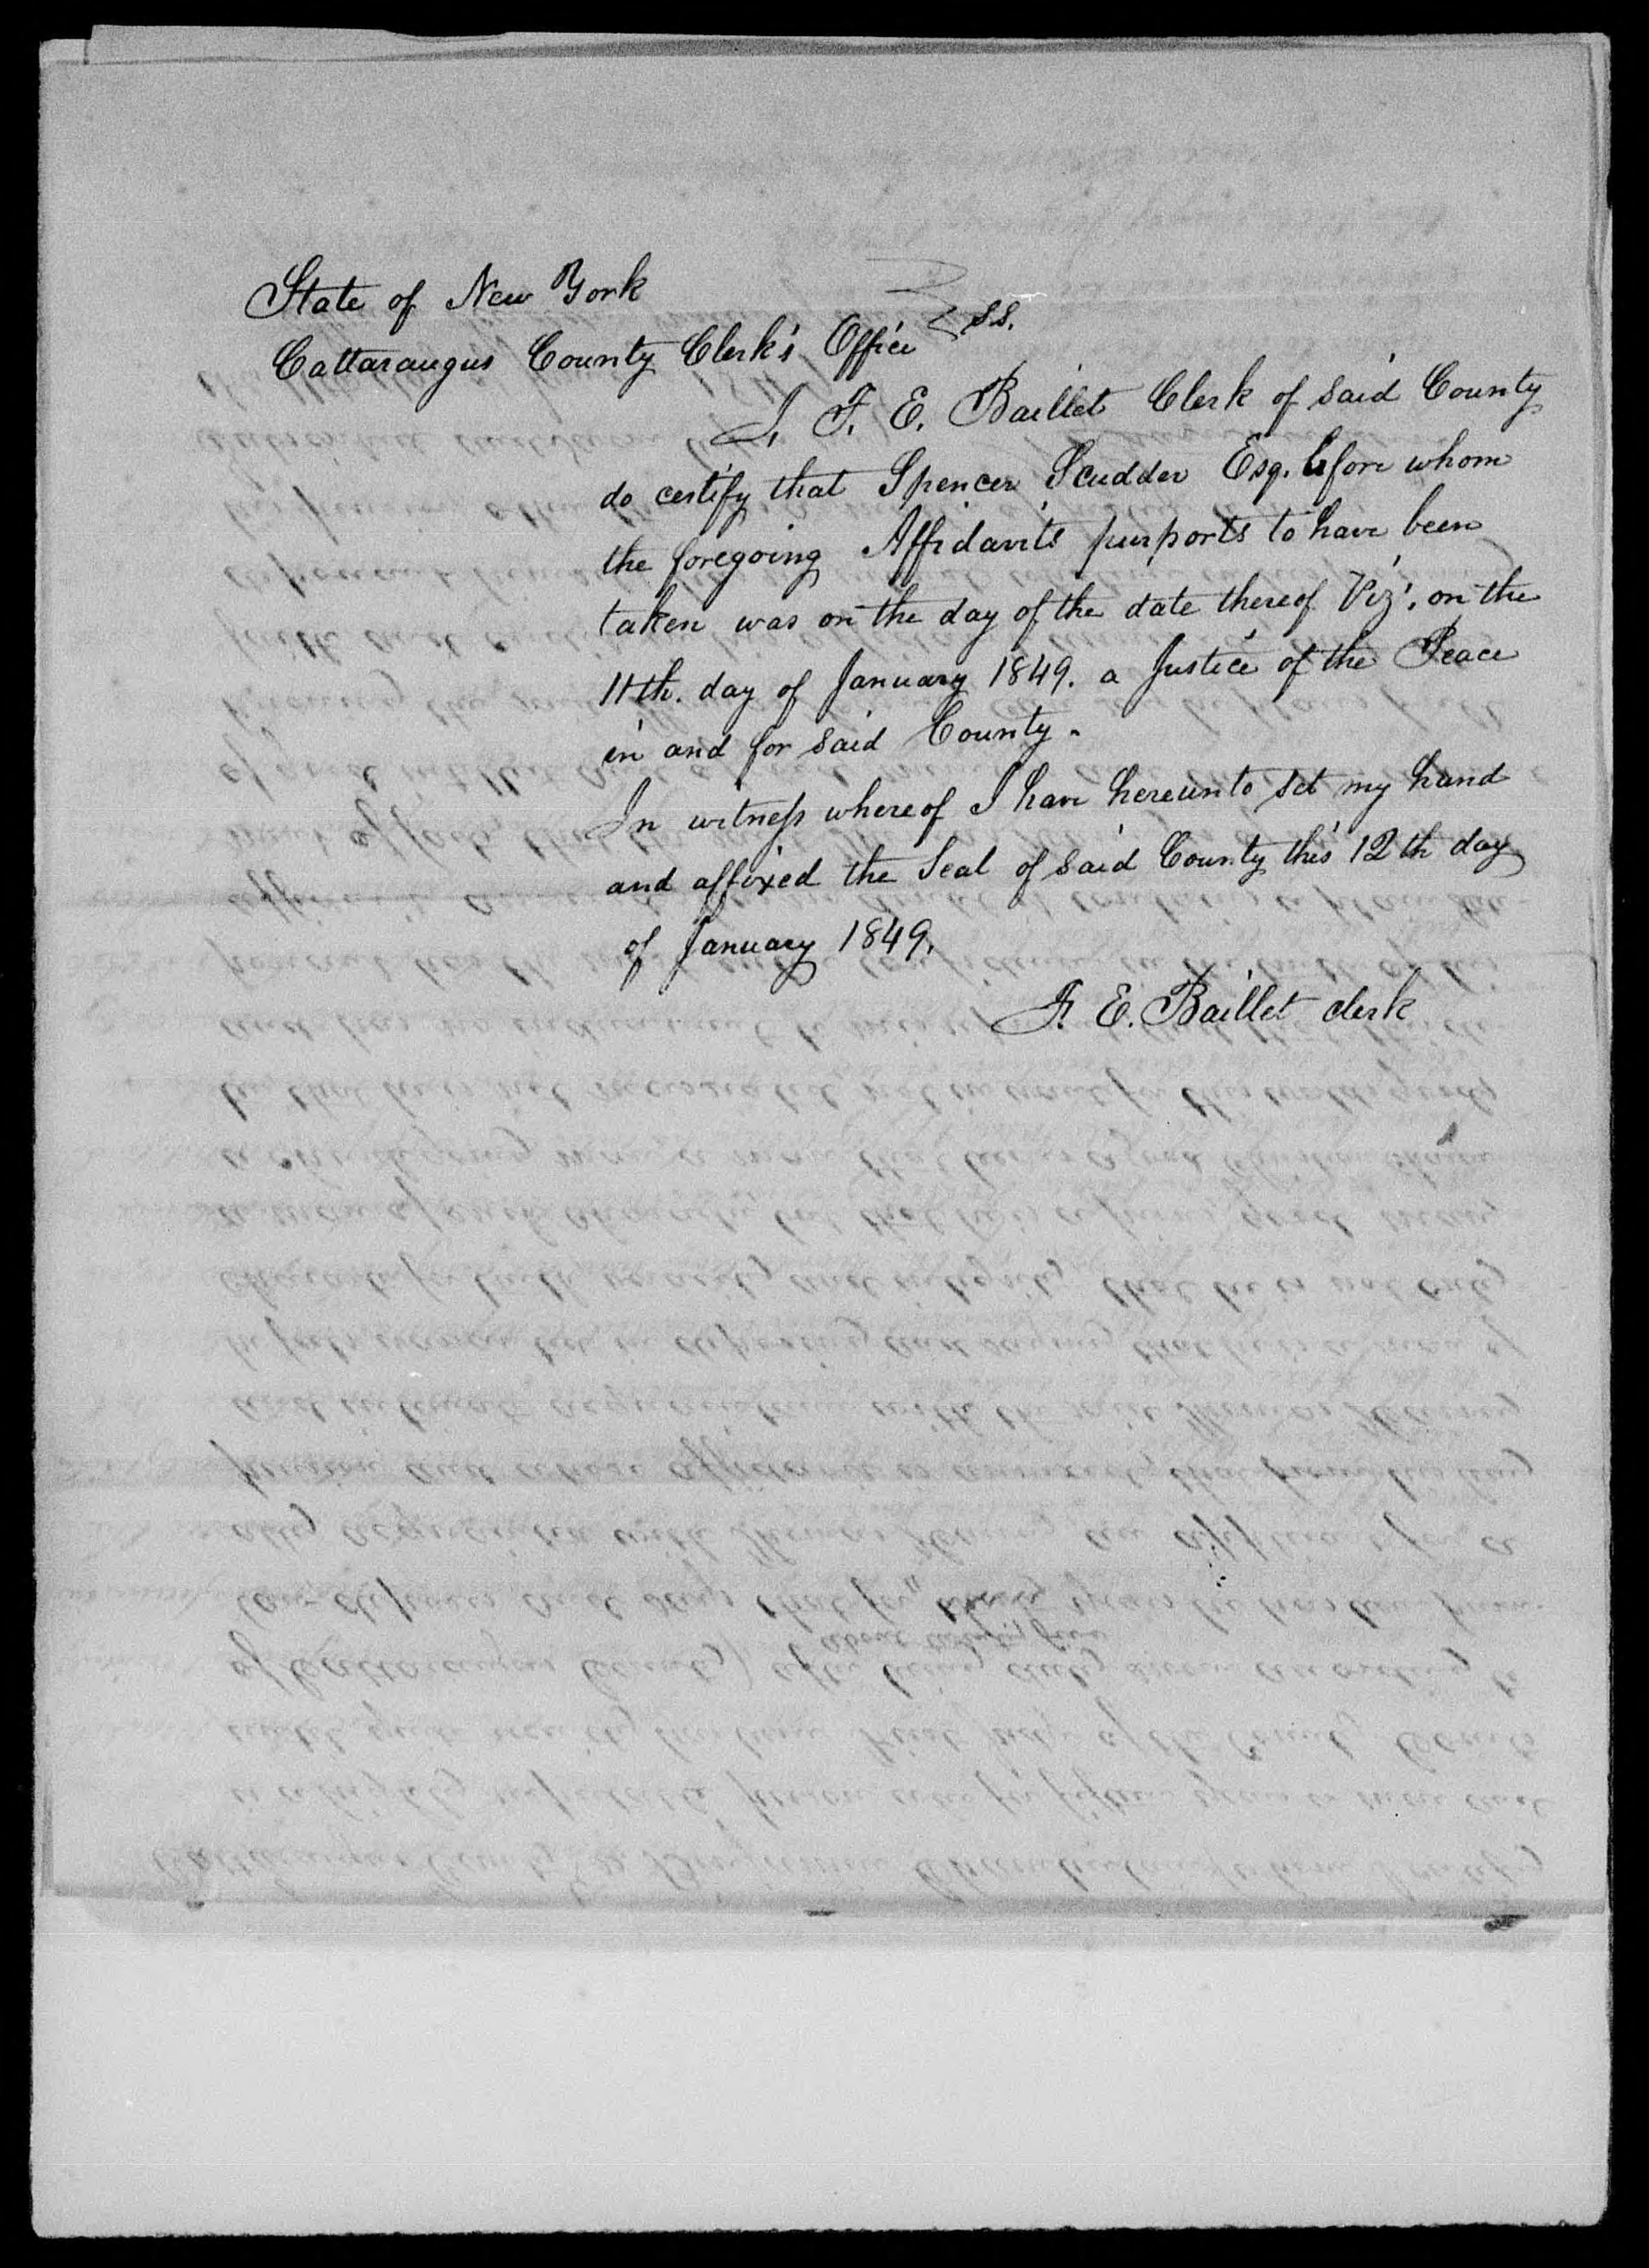State of New York
Cattaraugus County Clerk's Office} ss.
I, F. E. Baillet Clerk of said County do certify that Spencer Scudder Esq. before whom the foregoing Affidavit purports to have been taken was on the day of the date thereof Viz', on the 11th day of January 1849, a Justice of the Peace in and for said County. 
[county seal] In witness whereof I have hereunto set my hand and affixed the Seal of Said County this 12th day of January 1849. 
/s/F. E. Baillet clerk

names: F E Baillet, F E Baillet, Spencer Scudder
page: 77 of 80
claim: survivor's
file: S. 18008, Thomas Harvey, N.H.